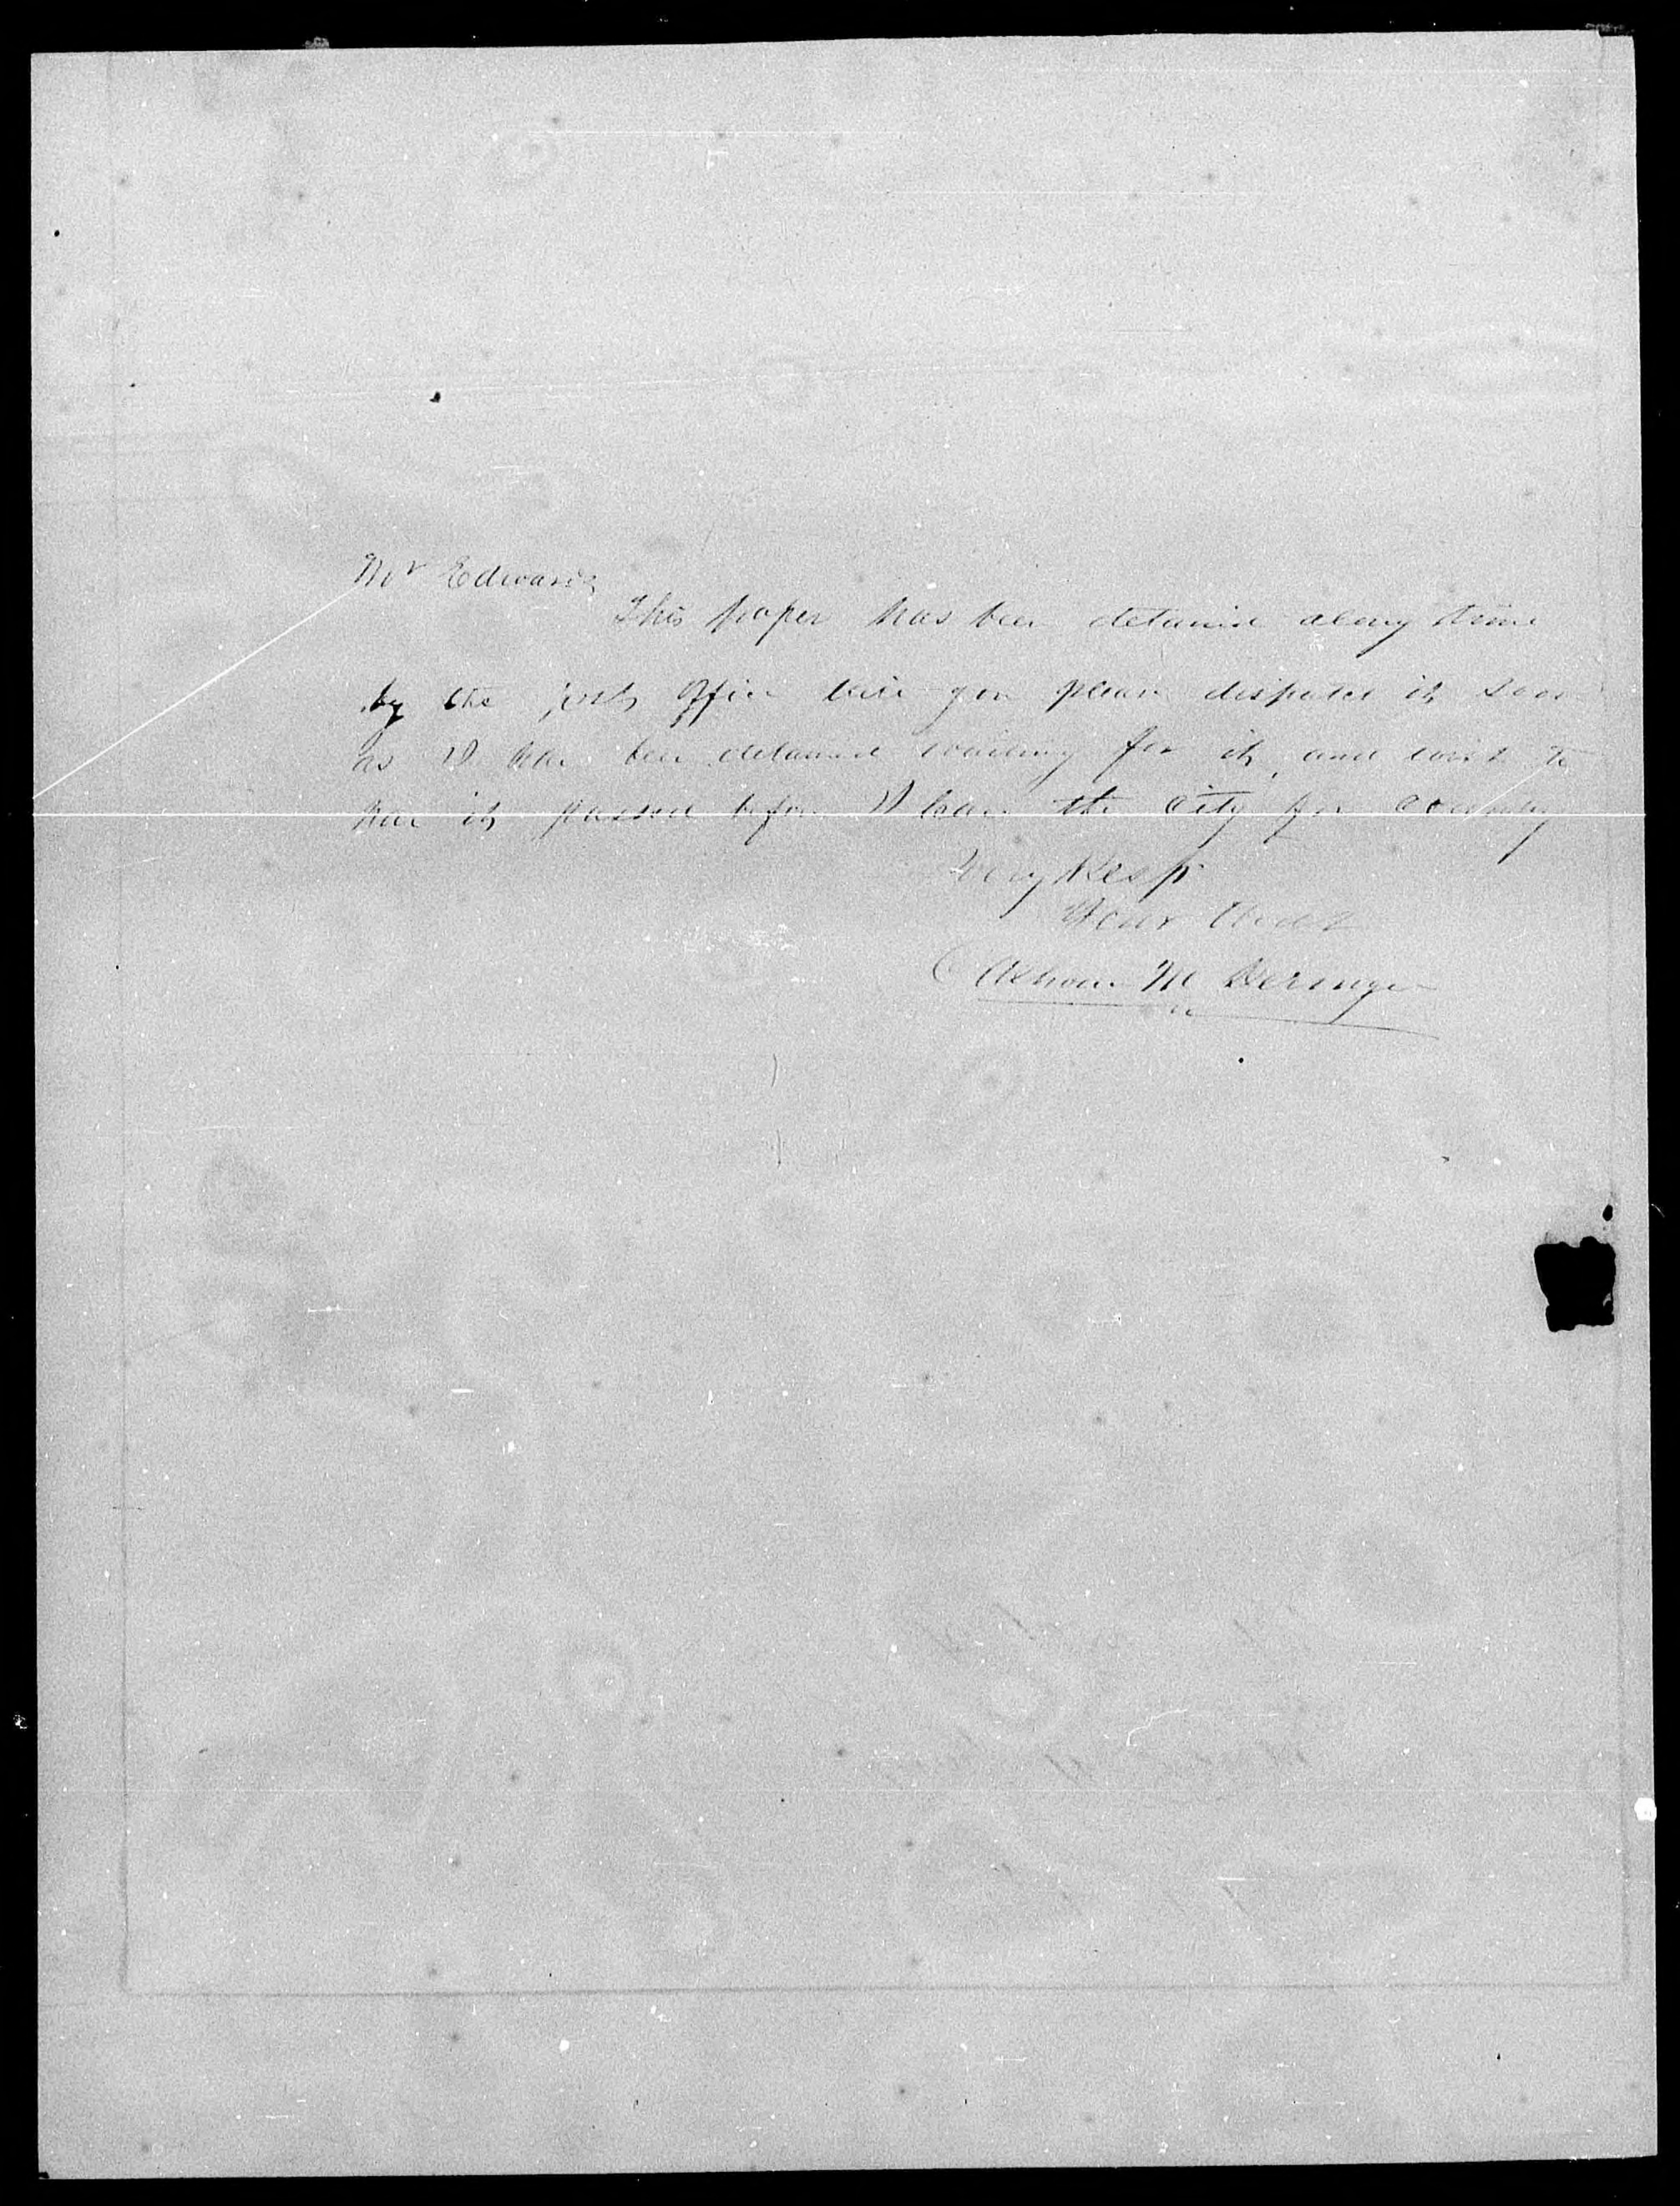Mr. Edwards

This paper has been detained along time by the [illegible] Office. Will you please [illegible] for it, and [illegible] to her if passed before [illegible] the city for [illegible]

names: [BLANK] Edwards; Cathrine M Deringer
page: 57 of 63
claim: widow's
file: W 2957, for Thomas Mc Dowell, Maryland